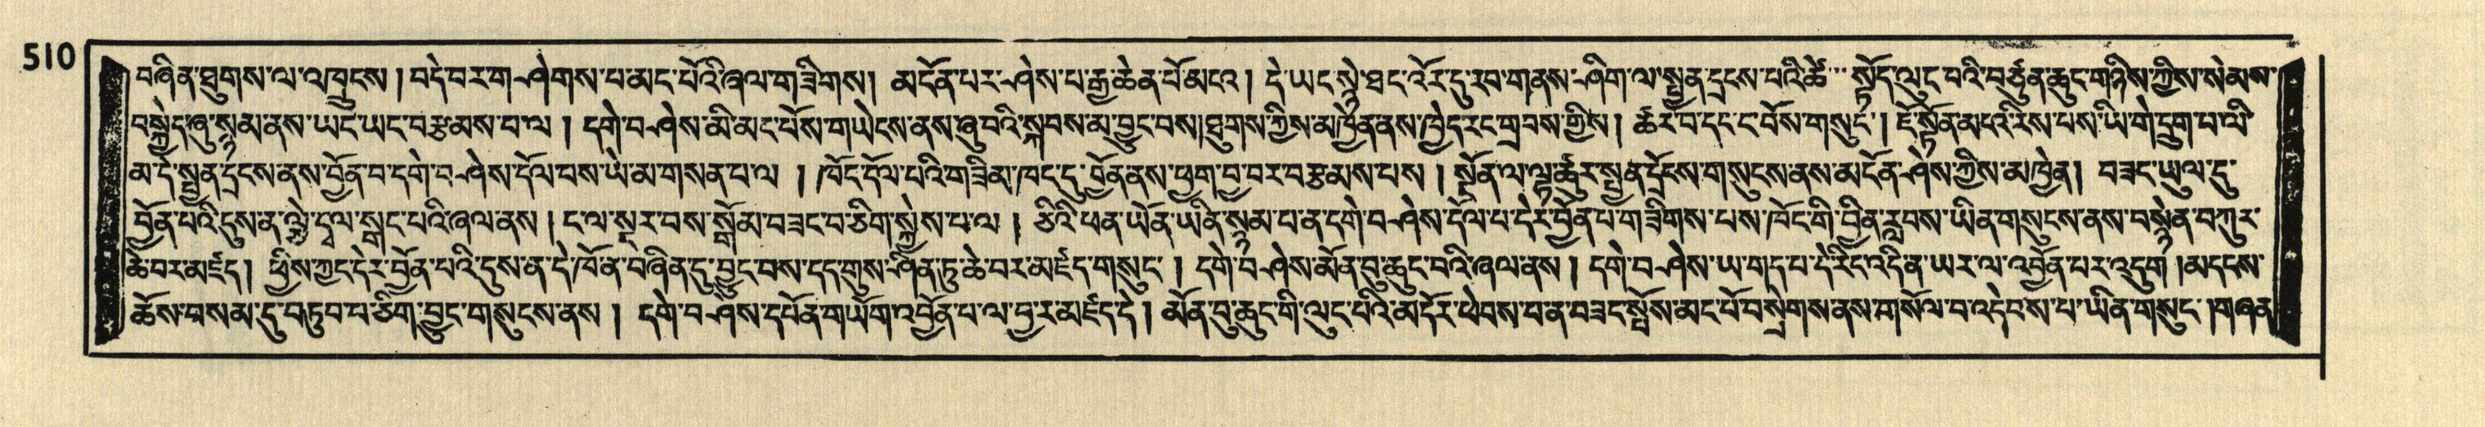བཞིན་ཐུགས་ལ་འཁྲུངས། བདེ་བར་གཤེགས་པ་མང་པོའི་ཞལ་གཟིགས། མངོན་པར་ཤེས་པ་རྒྱ་ཆེན་པོ་མངའ། དེ་ཡང་སྙེ་ཐང་འོང་དུ་རབ་གནས་ཤིག་ལ་སྤྱན་དྲངས་པའི་ཚེ་སྟོད་ལུང་བའི་བཙུན་ཆུང་གཉིས་ཀྱིས་སེམས་
བསྐྱེད་ཞུ་སྙམ་ནས་ཡང་ཡང་བརྩམས་པ་ལ། དགེ་བཤེས་མི་མང་པོས་གཡེངས་ནས་ཞུ་བའི་སྐབས་མ་བྱུང་བས། ཐུགས་ཀྱིས་མཁྱེན་ནས་ཁྱེད་རང་གྲབས་ཀྱིས། ཚར་བ་དང་ང་བོས་གསུང་། ཇོ་སྟོན་མངའ་རིས་པས་ཡི་གེ་དྲུག་པ་ལི་
མ་དེ་སྤྱན་དྲངས་ནས་བྱོན་བ་དགེ་བཤེས་དགོལ་བས་ཡེ་མ་གསན་པ་ལ། ཁོང་དོལ་པའི་གཟིམ་ཁང་དུ་བྱོན་ནས་ཕྱག་བྱ་བར་བརྩམས་པས། སྔོན་ལ་ལྷ་ཚུར་སྤྱན་དྲོངས་གསུངས་ནས་མངོན་ཤེས་ཀྱིས་མཁྱེན། བཟང་ཡུལ་དུ་
བྱོན་པའི་དུས་ན་ལྕེ་དྭ་ལ་སྒང་པའི་ཞལ་ནས། ང་ལ་སྔར་བས་སྒོམ་བཟང་བ་ཅིག་སྐྱེས་པ་ལ། ཅིའི་ཕན་ཡོན་ཡིན་སྙམ་པ་ན་དགེ་བཤེས་དོལ་པ་དེར་བྱོན་པ་གཟིགས་པས་ཁོང་གི་བྱིན་རླབས་ཡིན་གསུངས་ནས་བསྙེན་བཀུར་
ཆེ་བར་མཛད། ཕྱིས་ཀྱང་དེར་བྱོན་པའི་དུས་ན་དེ་ཁོ་ན་བཞིན་དུ་བྱུང་བས་དད་གུས་ཤིན་ཏུ་ཆེ་བར་མཛད་གསུང་། དགེ་བཤེས་མོན་བུ་ཆུང་བའི་ཞལ་ནས། དགེ་བཤེས་ཡ་གད་པ་དེ་རིང་འདི་ན་ཡར་ལ་འབྱོན་པར་འདུག །མདངས་
ཆོས་བསམ་དུ་བཏུབ་པ་ཅིག་བྱུང་གསུངས་ནས། དགེ་བཤེས་དཔོན་གཡོག་འབྱོན་པ་ལ་བྱ་ར་མཛད་དེ། མོན་བུ་ཆུང་གི་ལུང་པའི་མདོར་ཕེབས་པ་ན་བཟང་སྤོས་མང་པོ་བསྲེགས་ནས་གསོལ་བ་འདེབས་པ་ཡིན་གསུང་།གཞན་